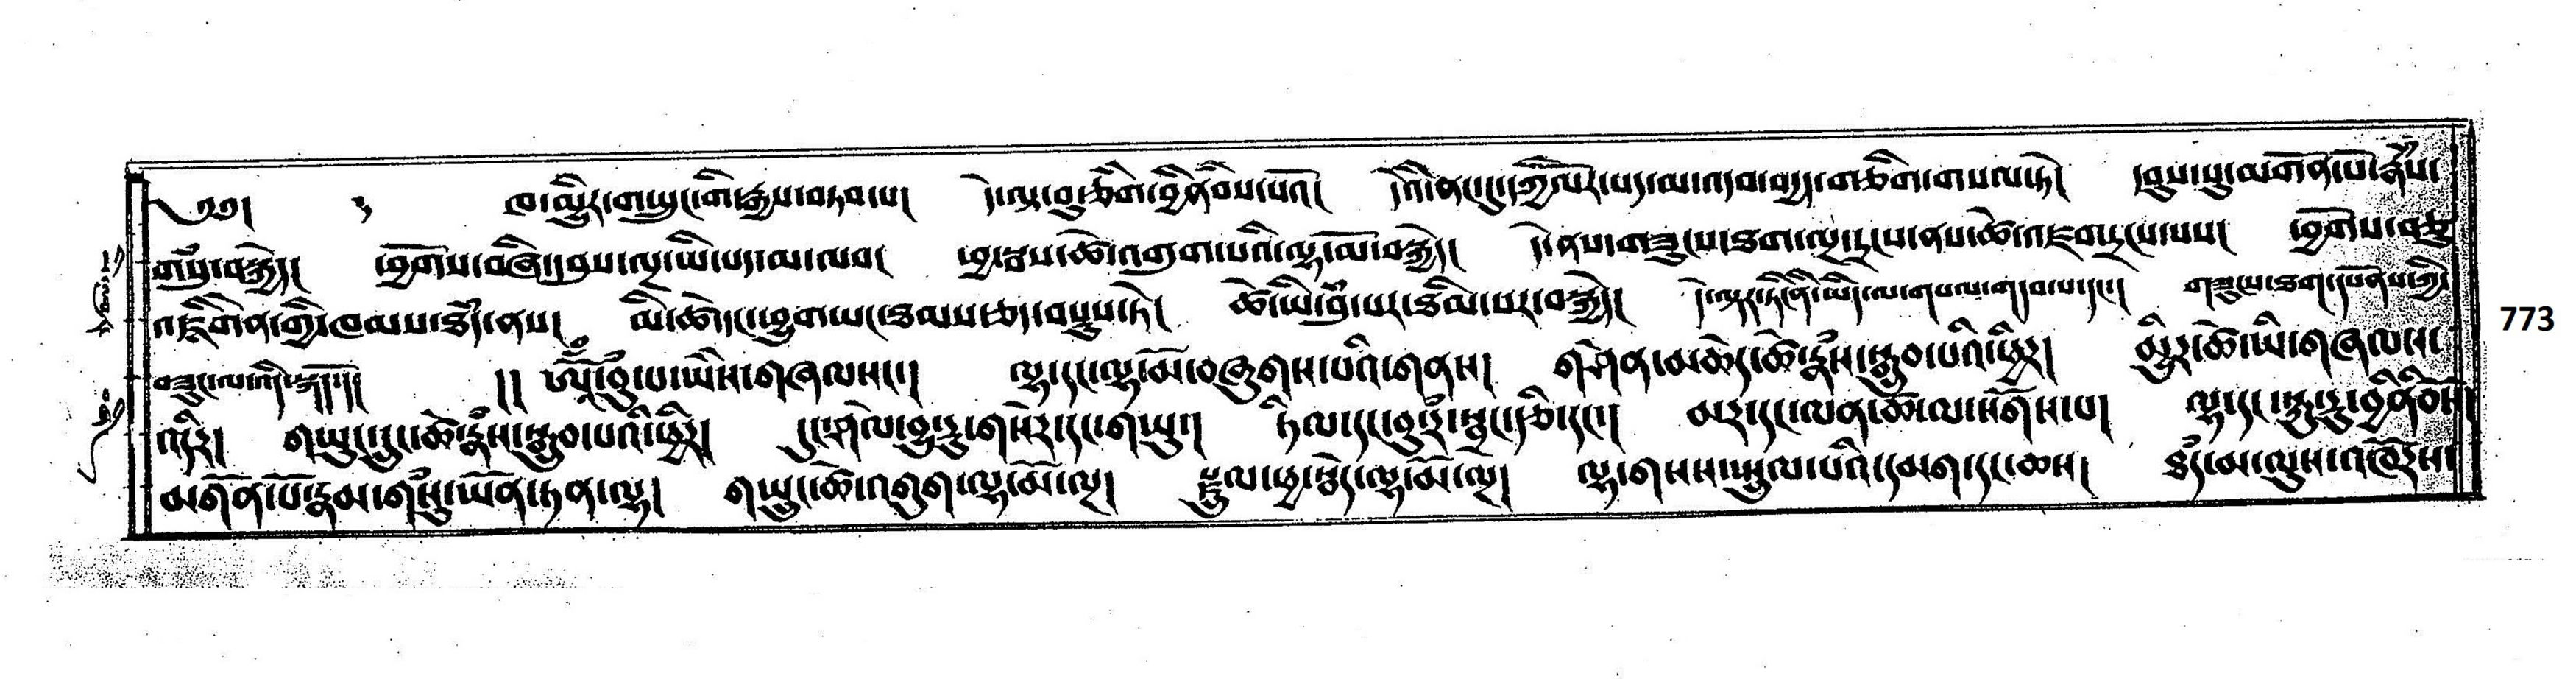ཁ་མི་འགྱུར་གཡུང་དྲུང་གི་རྒྱས་བཏབ་པ། དེ་ལྟ་བུ་ཅིག་བྱིན་གྱིས་བརླབས་པའོ། དེའི་ནང་དུ་དཀྱིལ་འཁོར་པད་མ་འདབ་བརྒྱད་གཅིག་གསལ་ཏེ། དབུས་སུ་མགོན་པོ་རྣམས་
གསུམ་བསྐྱེད། ཕྱོགས་བཞི་དབུས་ལྔ་ཡི་པད་མ་ལ། ཕྱ་སྦས་ཚེ་འགུག་པའི་ལྷ་མོ་བསྐྱེད། དེ་ནས་གཟུངས་ཐག་ལྔ་དྲངས་ནས་ཚེ་འཛབ་དྲངས་པས། ཕྱོགས་བཅུ་
འཇིག་རྟེན་གྱི་ཁམས་ཐམས་ཅད་ནས། མི་ཚེ་དང་ཕྱུག་གཡང་ཐམས་ཅད་བསྡུས་ཏེ། ཚེ་ཡི་བུམ་པར་ཐིམ་པར་བསྐྱེད། དེ་ལྟར་ཏིང་འཛིན་ཡིད་ལ་གསལ་གདབ་པ་དང་། གཟུངས་ཐག་དཔོན་གསས་ཀྱི་
བཟུང་ལ་འདི་སྐད་དོ།། །།ཨཱོཾ་བུམ་པ་ཡེ་ཤེས་གཞལ་ཡས་ཁང་། ལྷ་དང་ལྷ་མོ་བཞུགས་པའི་གནས། གཤེན་མཆེད་ཚེ་རྣམས་བསྒྲུབ་པའི་ཕྱིར། མི་འགྱུར་ཚེ་ཡི་གཞལ་ཡས་
འདིར། གཡུང་དྲུང་ཚེ་རྣམས་སྒྲུབ་པའི་ཕྱིར། དུང་ཤེལ་བྱུ་རུ་གསེར་དང་གཡུ། ཏིལ་དང་བུ་རཾ་སྦྲང་རྩི་དང་། མར་དང་ལན་ཚྭ་ལ་སོགས་པ། ལྷ་དང་སྐུ་རུ་བྱིན་གྱིས་རློབས། 
མགོན་པོ་རྣམ་གསུམ་ཡོན་ཏན་ལྷ། གཡུང་དྲུང་ཚེ་འགུག་ལྷ་མོ་ལྔ། རྫུ་འཕྲུལ་ཕྱ་སྦེད་ལྷ་མོ་ལྔ། ལྷ་གསས་སྤྲུལ་པའི་དམག་དང་ཆས། ཐམས་ཅད་མ་ལུས་འཁོར་བཅས་